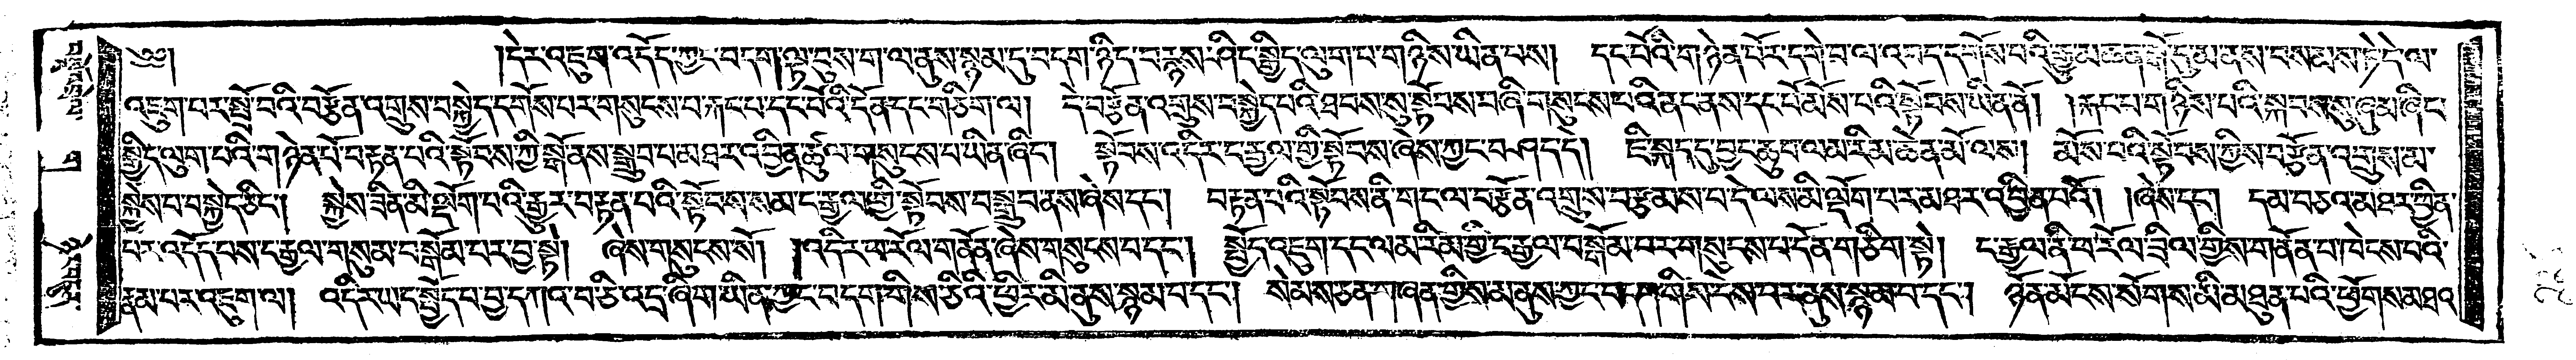༄༅། །དེར་འཇུག་འདོད་ཀྱང་བདག་ལྟ་བུས་ག་ལ་ནུས་སྙམ་དུ་བདག་ཉིད་བརྙས་ཤིང་སྒྱིད་ལུག་པ་གཉིས་ཡིན་པས། དང་པོའི་གཉེན་པོར་དགེ་བ་ལ་འབད་དགོས་པའི་རྒྱུ་མཚན་སྒོ་དུ་མནས་བསམས་ཏེ་དེ་ལ་
འཇུག་པར་སྤྲོ་བའི་བརྩོན་འགྲུས་བསྐྱེད་དགོས་པར་གསུངས་བ་རྐང་བ་དང་པོའི་དོན་དང་གཅིག་ལ། དེ་བརྩོན་འགྲུས་བསྐྱེད་པའི་ཐབས་སུ་སྟོབས་བཞི་གསུངས་པའི་ནང་ནས་དང་པོ་མོས་པའི་སྟོབས་ཡིན་ནོ། །རྐང་པ་གཉིས་པའི་སྐབས་སུ་ཞུམ་ཞིང་
སྒྱིད་ལུག་པའི་གཉེན་པོ་བརྟན་བའི་སྟོབས་ཀྱི་སྒོ་ནས་སྒྲུབ་པ་མཐར་འབྱིན་ཚུལ་གསུངས་པ་ཡིན་ཞིང་། སྟོབས་འདིར་ང་རྒྱལ་གྱི་སྟོབས་ཞེས་ཀྱང་བཤད་དེ། ཇི་སྐད་དུ་བྱང་ཆུབ་ལམ་རིམ་ཆེན་མོ་ལས། མོས་བའི་སྟོབས་ཀྱིས་བརྩོན་འགྲུས་མ་
སྐྱེས་པ་བསྐྱེད་ཅིང་། སྐྱེས་ཟིན་མི་ལྡོག་བའི་རྒྱུར་བརྟན་བའི་སྟོབས་སམ་ང་རྒྱལ་གྱི་སྟོབས་བསྒྲུབ་ནས་ཞེས་དང་། བརྟན་པའི་སྟོབས་ནི་གང་ལ་བརྩོན་འགྲུས་བརྩམས་བ་དེ་ལས་མི་ལྡོག་པར་མཐར་འབྱིན་བའོ། །ཞེས་དང་། དམ་བཅའ་མཐར་ཕྱིན་
པར་འདོད་པས་ང་རྒྱལ་གསུམ་བསྒོམ་པར་བྱ་སྟེ། ཞེས་གསུངས་སོ། །འདིར་ཕ་རོལ་གནོན་ཞེས་གསུངས་བ་དང་། སྤྱོད་འཇུག་དང་ལམ་རིམ་གྱི་ང་རྒྱལ་བསྒོམ་པར་གསུངས་པ་དོན་གཅིག་སྟེ། ང་རྒྱལ་ནི་ཕ་རོལ་ཟིལ་གྱིས་གནོན་པ་ཁེངས་པའི་
རྣམ་པར་འཇུག་ལ། འདིར་ཡང་སྤྱོད་བ་བྱ་དཀའ་བ་ཅི་འདྲ་ཞིག་ཡིན་ཀྱང་བདག་གིས་ཅིའི་ཕྱིར་མི་ནུས་སྙམ་པ་དང་། སེམས་ཅན་གཞན་གྱིས་མ་ནུས་ཀྱང་བདག་གིས་ངེས་པར་ནུས་སྙམ་པ་དང་། ཉོན་མོངས་སོགས་མི་མཐུན་པའི་ཕྱོགས་མཐའ་